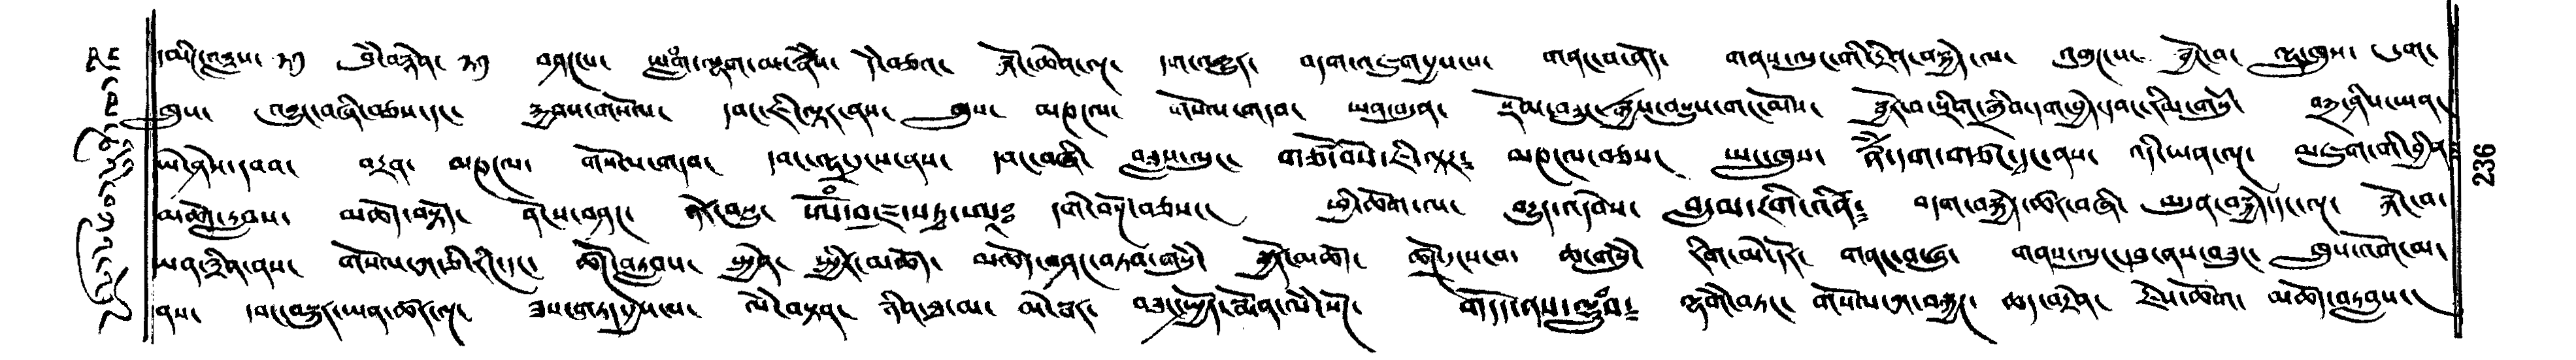དམིགས་བཟླས་ཉེར་གཅིག བུམ་སྙེན་ཉེར་གཅིག བཤགས་པ། ཡན་ལག་ལྷག་མ་རྣམས། དམ་བཅའ། སྐོང་ཆེན་ལྔ། དག་འགྱུར། བདག་འཇུག་རྒྱས་པ། གནང་བ་ནོད། གནས་ལུང་གི་རྟེན་བསྐྱེད་ལ། འགུགས་པ། སྦྱོང་བ། ལྷ་ཁྲུས། དུག་
ཁྲུས། འབྱུང་བཞི་བཅས་དང་། སྐྱབས་གསོལ། དབང་ཇི་ལྟར་ནས། ཁྲུས། མཎྜལ། གསོལ་གདབ། ཡན་བདུན། སྡོམ་བཟུང་རྒྱས་བསྡུས་གང་མོས།སྦྱོར་བ་སྡིག་སྒྲིབ་དག་བྱེད་དབང་རིམ་གསུམ། བཀྲ་ཤིས་ཡན། 
ཡེ་ཤེས་དབབ། བརྟན། མཎྜལ། གསོལ་གདབ། དབང་ལྷ་དྲངས་ནས། དབང་བཞི། བཟླས་ལུང་། གཙོ་བོས་ཇི་ལྟར༴ མཎྜལ་བཅས། ཡང་ཁྲུས། རྣམ་དག་གཙང་དྭངས༴ ནས། འདི་ཡན་ལྔ། མཇུག་གི་བྱིན་
མཆོད་རླབས། མཆོད་བསྟོད། ནོངས་བཤགས། ཉེར་བསྡུ། ཨོཾ་བཛྲ་སཏྭ་ཨཱ༔ དགེ་བསྔོ་བཅས། ཕྱི་ཆོག་ལ། རྒྱུད་འདེབས། བླ་མ་རིག་འཛིན༴ བདག་སྐྱེད་ཚར་བཞི། མདུན་སྐྱེད་དང་ལྔ། སྐོང་བ་
ཡན་ཟིན་ནས། གསོལ་ཀ་ཅི་རིགས་དང་། ཚོགས་བརླབ། སྤྱན་འདྲེན། སྤྱིར་མཆོད། མཆོད་བཤགས་བཏབ་གསུམ། སྦྱོར་མཆོད། ཚོགས་དྲང་བ། ཆ་གསུམ། རིག་མེ་དོར། གནང་བ་ཞུ། གནས་ལུང་དབུ་ནས་བཟུང་། ཁྲུས་འོག་མ་
ནས། དབང་སྐུར་ཡན་ཚར་ལྔ། ཟས་གཏད་རྒྱས་པ། ལམ་བསྟན་བཅས། ཉིན་ཐ་མ། མེ་སྦར། བཟང་སྤྱོད་སྨོན་ལམ་སོགས། གདོད་ནས་ལྷུན་གྲུབ༴ ལྷག་མ་གཏང་། གསོལ་ཀ་བསྐྱག ཆད་བརྟན། རྗེས་མཆོག མཆོད་རླབས།